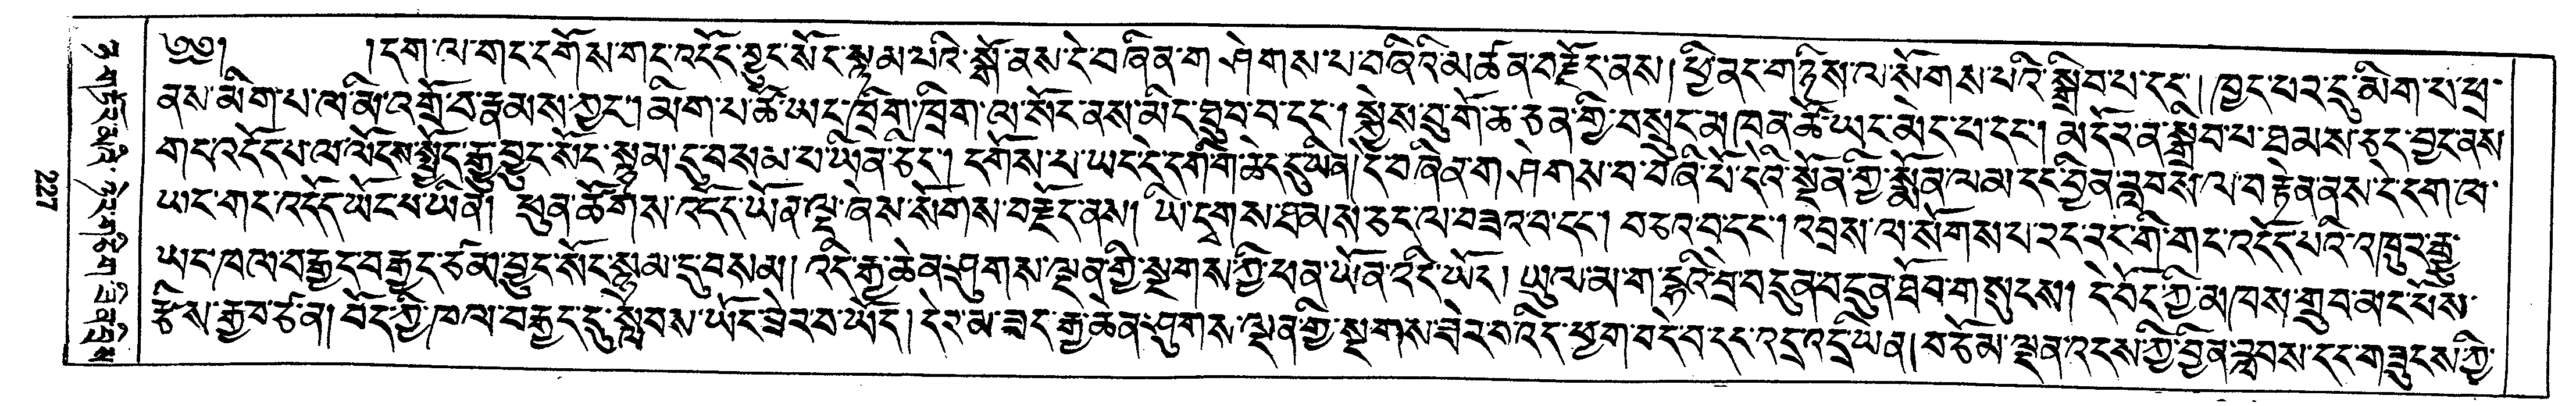༄༅། །དག་ལ་གང་དགོས་གང་འདོད་བྱུང་སོང་སྙམ་པའི་སྒོ་ནས་དེ་བཞིན་གཤེགས་པ་བཞིའི་མཚན་བརྗོད་ནས། ཕྱི་ནང་གཉིས་ལ་སོགས་པའི་སྒྲིབ་པ་དང་། ཁྱད་པར་དུ་མིག་པ་ཕྲ་
ནས་མིག་པ་ལ་མི་འགྲོ་བ་རྣམས་ཀྱང་། མིག་པ་ཚོ་ཡང་ཁྲིག་ཁྲིག་ལ་སོང་ནས་མིད་ཐུབ་པ་དང་། སྐྱེས་བུ་གོ་ཆ་ཅན་གྱི་བསྲུང་མཁན་ཚོ་ཡང་མེད་པ་དང་། མདོར་ན་སྒྲིབ་པ་ཐམས་ཅད་བྱང་ནས་
གང་འདོད་པ་ལ་ལོངས་སྤྱོད་རྒྱུ་བྱུང་སོང་སྙམ་དུ་བསམ་པ་ཡིན་ཅིང་། དགོས་པ་ཡང་དེ་དག་གི་ཆེད་དུ་ཡིན། དེ་བཞིན་གཤེགས་པ་བཞི་པོ་དེའི་སྔོན་གྱི་སྨོན་ལམ་དང་བྱིན་རླབས་ལ་བརྟེན་ནས་དེ་དག་ལ་
ཡང་གང་འདོད་ཡོང་བ་ཡིན། ཕུན་ཚོགས་འདོད་ཡོན་ལྔ་ཞེས་སོགས་བརྗོད་ནས། ཡི་དྭགས་ཐམས་ཅད་ལ་བཟའ་བ་དང་། བཅའ་བ་དང་། འབྲས་ལ་སོགས་པ་རང་རང་གི་གང་འདོད་པའི་འཁུར་རྒྱུ་
ཡང་ཁལ་བརྒྱད་བརྒྱད་ཙམ་བྱུང་སོང་སྙམ་དུ་བསམ། འདི་རྒྱ་ཆེན་ཤུགས་ལྡན་གྱི་སྔགས་ཀྱི་ཕན་ཡོན་འདི་ཡོད། ཡུལ་མ་ག་དྷའི་བྲེ་བདུན་བདུན་ཐོབ་གསུངས། དེ་བོད་ཀྱི་མཁས་གྲུབ་མང་པོས་
རྩིས་རྒྱབ་ཙ་ན། བོད་ཀྱི་ཁལ་བརྒྱད་དུ་སླེབས་ཡོང་ཟེར་བ་ཡོད། དིར་མ་ཟད་རྒྱ་ཆེན་ཤུགས་ལྡན་གྱི་སྔགས་ཟེར་བ་འདི་ཕྱག་བདེ་བ་དང་འདྲ་འདྲ་ཡིན། བཅོམ་ལྡན་འདས་ཀྱི་བྱིན་རླབས་དང་གཟུངས་ཀྱི་